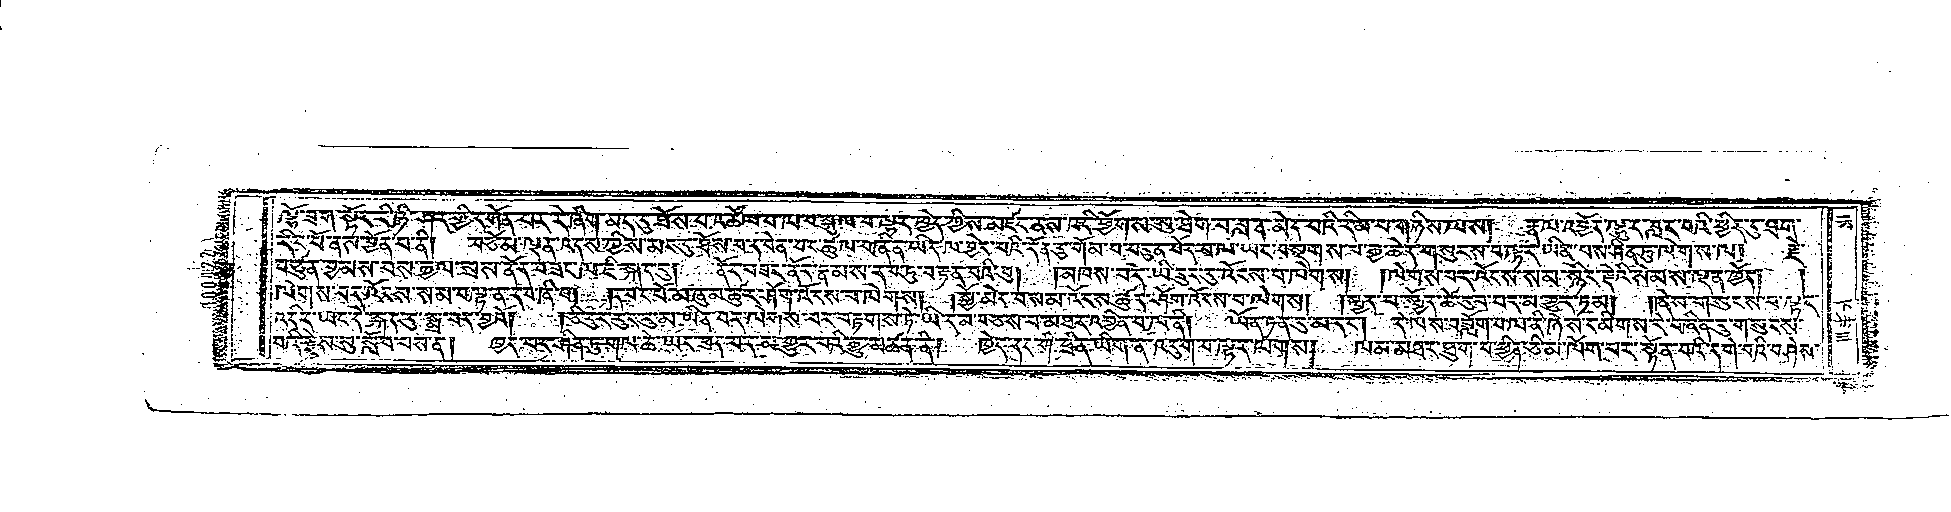ལྷོ་བྲག་སྟོང་རི་ཉི་ཤར་གྱི་དགོན་པར་རེ་ཞིག་མང་དུ་ཐོས་པ་འཚོལ་བ་ལ་བསྐུལ་བ་ལྟར་ཁྱེད་ཀྱིས་མཛད་ནས་འདི་ཕྱོགས་སུ་ཐེག་པ་བླ་ན་མེད་པའི་རིམ་པ་གཉིས་ལས། རྣལ་འབྱོར་ལྷུར་བླང་བའི་ཕྱིར་དུ་ཐག་
རིང་པོ་ནས་བྱོན་པ་ནི། བཅོམ་ལྡན་འདས་ཀྱིས་མང་དུ་ཐོས་པ་དབེན་པར་ཚུལ་བཞིན་ཡིད་ལ་བྱེད་པའི་དོན་དུ་གོམ་བ་བདུན་པོར་བ་ལ་ཡང་བསྔགས་པ་རྒྱ་ཆེར་གསུངས་པ་ལྟར་ཡིན་པས་ཤིན་ཏུ་ལེགས་ལ། རྗེ་
བཙུན་བྱམས་བས་རྒྱལ་སྲས་ནོར་བཟང་ལ་ཇི་སྐད་དུ། ནོར་བཟང་ནོར་རྣམས་རབ་ཏུ་བརྟན་བའི་བུ། །མཁས་པ་དེ་ཡི་དྲུང་དུ་འོངས་བ་ལེགས། །ལེགས་པར་འོངས་སམ་སྙིང་རྗེའི་སེམས་ལྡན་ཁྱོད། །
ལེགས་བར་འོངས་སམ་བལྟ་ན་རབ་ཞི་བ། །དབང་པོ་མ་ཞུ་མ་ཆུར་ཤོག་འོངས་པ་ལེགས། །སྐྱོ་མེད་བསམ་འོངས་ཚུར་ཤོག་འོངས་བ་ལེགས། །སྤྱད་པ་སྤྱོད་ཚེ་དུབ་པར་མ་གྱུར་ཏམ། །ཞེས་གསུངས་པ་ལྟར་
འདིར་ཡང་དེ་སྐད་དུ་སྨྲ་བར་བྱའོ། །ཅི་རུང་རུང་རུ་མ་ཡིན་བར་ལེགས་བར་བརྟགས་ཏེ་ཡི་དམ་བཅས་པ་མཐར་འབྱིན་པ་ལ་ནི། ཡོན་ཏན་དུ་མ་དང་། དེ་ལས་བཟློག་པ་ལ་ནི་ཉེས་དམིགས་དེ་བཞིན་དུ་གསུངས་
བའི་རྗེས་སུ་སློབ་པས་ན། ཁྱད་པར་ཤིན་ཏུ་གལ་ཆེ་ཡང་ཕྲད་བར་མ་གྱུར་པའི་རྒྱུ་མཚན་ནི། ཁྱེད་རང་གི་ཕྲིན་ཡིག་ན་འདུག་པ་ལྟར་ལགས། ལམ་མཐར་ཐུག་པ་ཕྱིན་ཅི་མ་ལོག་པར་སྟོན་པའི་དགེ་བའི་བཤེས་